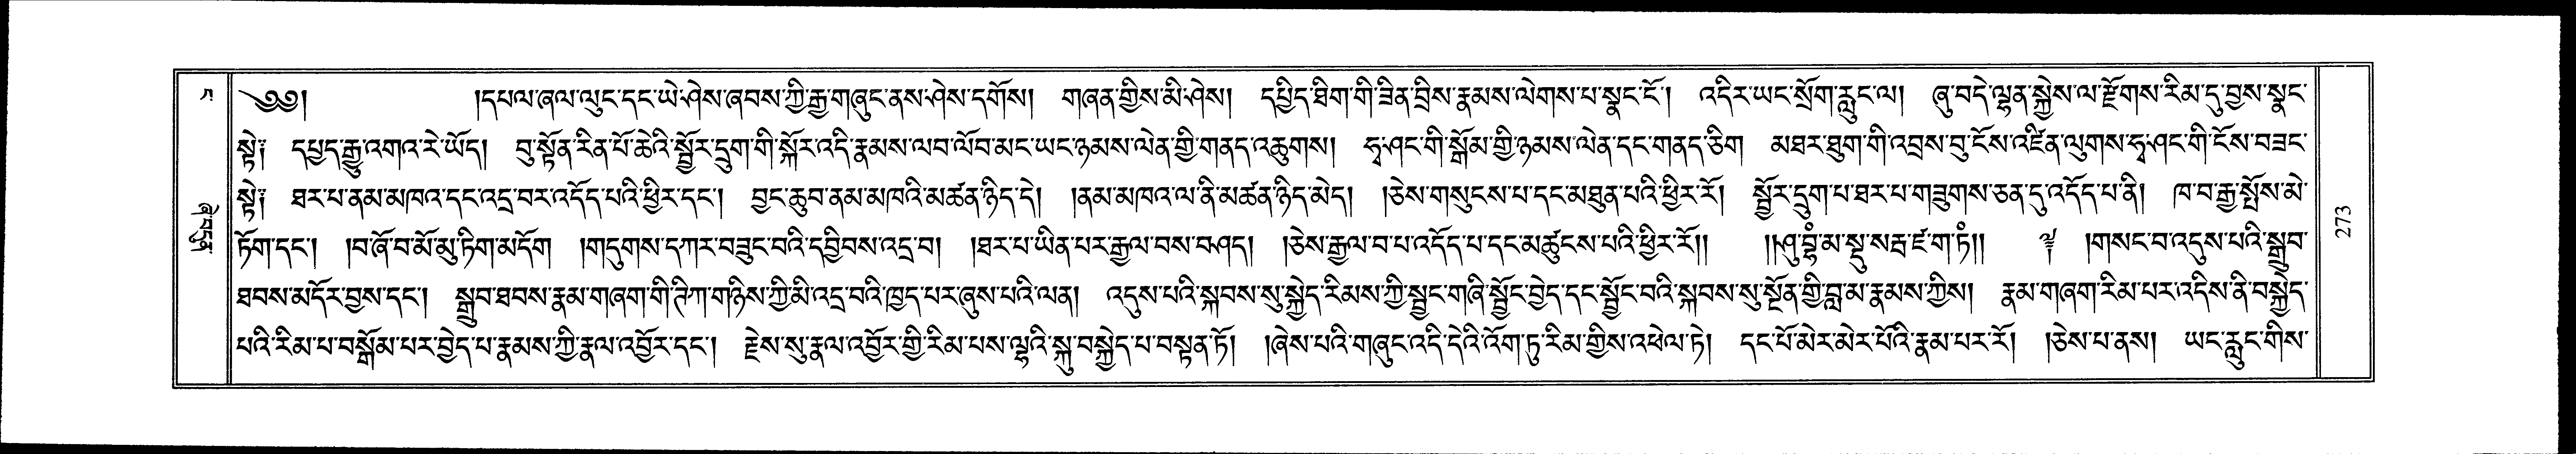༄༅། །དཔལ་ཞལ་ལུང་དང་ཡེ་ཤེས་ཞབས་ཀྱི་རྒྱ་གཞུང་ནས་ཤེས་དགོས། གཞན་གྱིས་མི་ཤེས། དཔྱིད་ཐིག་གི་ཟིན་བྲིས་རྣམས་ལེགས་པ་སྣང་ངོ། འདིར་ཡང་སྲོག་རླུང་ལ། ཞུ་བདེ་ལྷན་སྐྱེས་ལ་རྫོགས་རིམ་དུ་བྱས་སྣང་
སྟེ། དཔྱད་རྒྱུ་འགའ་རེ་ཡོད། བུ་སྟོན་རིན་པོ་ཆེའི་སྦྱོར་དྲུག་གི་སྐོར་འདི་རྣམས་ལབ་ལོབ་མང་ཡང་ཉམས་ལེན་གྱི་གནད་འཆུགས། ཧྭ་ཤང་གི་སྒོམ་གྱི་ཉམས་ལེན་དང་གནད་ཅིག་མཐར་ཐུག་གི་འབྲས་བུ་ངོས་འཛིན་ལུགས་ཧྭ་ཤང་གི་ངོས་བཟང་
སྟེ། ཐར་པ་ནམ་མཁའ་དང་འདྲ་བར་འདོད་པའི་ཕྱིར་དང་། བྱང་ཆུབ་ནམ་མཁའི་མཚན་ཉིད་དེ། །ནམ་མཁའ་ལ་ནི་མཚན་ཉིད་མེད། །ཅེས་གསུངས་པ་དང་མཐུན་པའི་ཕྱིར་རོ། སྦྱོར་དྲུག་པ་ཐར་པ་གཟུགས་ཅན་དུ་འདོད་པ་ནི། ཁ་བ་རྒྱ་སྤོས་མེ་
ཏོག་དང་། །བ་ཞོ་བ་མོ་མུ་ཏིག་མདོག །གདུགས་དཀར་བཟུང་བའི་དབྱིབས་འདྲ་བ། །ཐར་པ་ཡིན་པར་རྒྱལ་བས་བཤད། །ཅེས་རྒྱལ་སརྦ་ཛ་ག་ཏཾ།། ༈ །གསང་བ་འདུས་པའི་སྒྲུབ་སརྦ་ཛ་ག་ཏཾ།། ༈ །།གསང་བ་འདུས་པའི་སྒྲུབ་
ཐབས་མདོར་བྱས་དང་། སྒྲུབ་ཐབས་རྣམ་གཞག་གི་ཊིཀ་གཉིས་ཀྱི་མི་འདྲ་བའི་ཁྱད་པར་ཞུས་པའི་ལན། འདུས་པའི་སྐབས་སུ་སྐྱེད་རིམས་ཀྱི་སྦྱང་གཞི་སྦྱོང་བྱེད་དང་སྦྱོང་བའི་སྐབས་སུ་སྔོན་གྱི་བླ་མ་རྣམས་ཀྱིས། རྣམ་གཞག་རིམ་པར་འདིས་ནི་བསྐྱེད་
པའི་རིམ་པ་བསྒོམ་པར་བྱེད་པ་རྣམས་ཀྱི་རྣལ་འབྱོར་དང་། རྗེས་སུ་རྣལ་འབྱོར་གྱི་རིམ་པས་ལྷའི་སྐུ་བསྐྱེད་པ་བསྟན་ཏོ། །ཞེས་པའི་གཞུང་འདི་དེའི་འོག་ཏུ་རིམ་གྱིས་འཕེལ་ཏེ། དང་པོ་མེར་མེར་པོའི་རྣམ་པར་རོ། །ཅེས་པ་ནས། ཡང་རླུང་གིས་